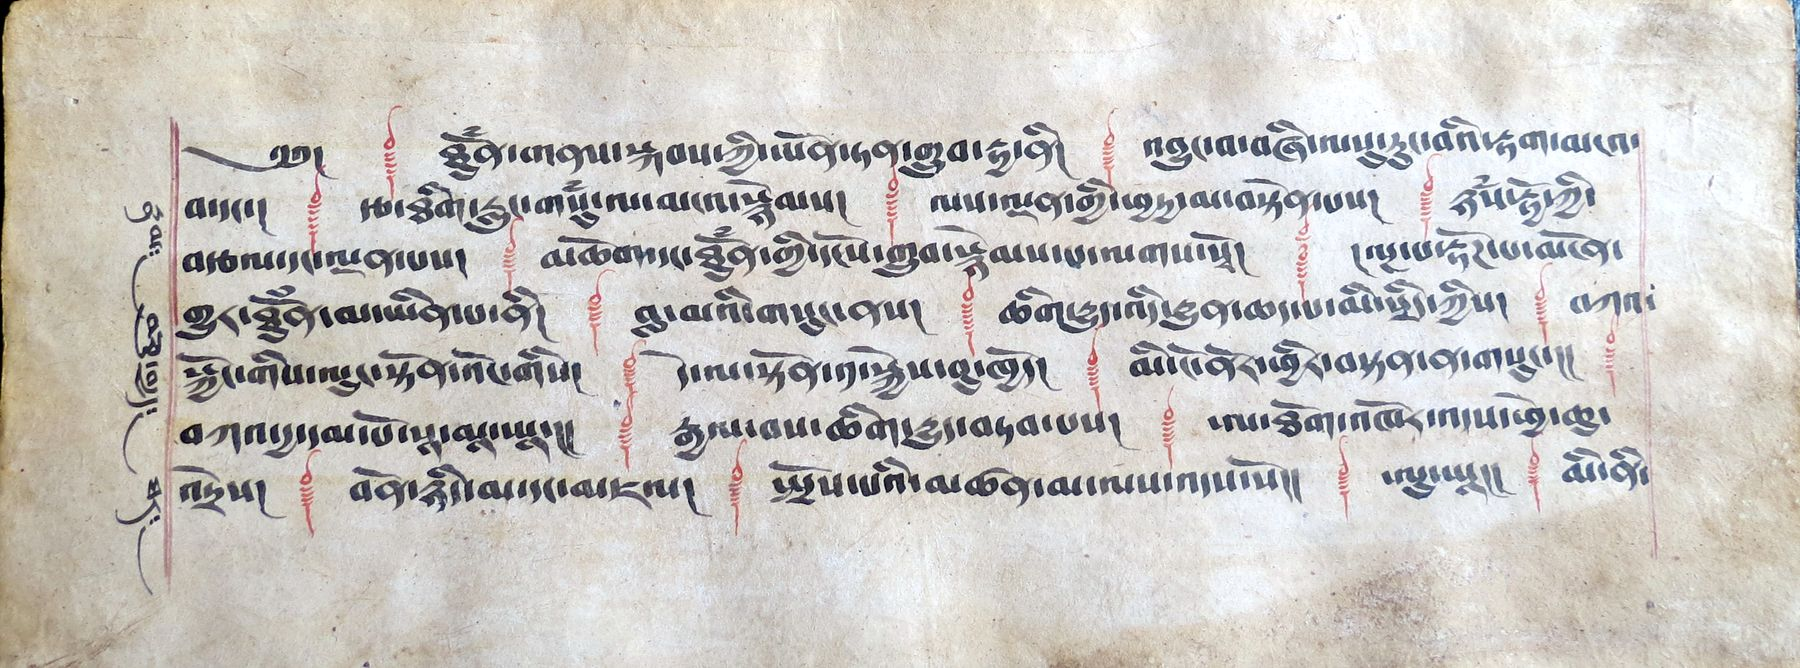ཐུན་མོང་དང་གནས་སྐབས་ཀྱི་ཡོན་ཏན་གྲུབ་རྟགས་ནི། འབྱུང་བ་བཞི་ལས་སུ་རུང་བའི་རྟགས་དུ་མ་མངའ་
བ་དང་། རྩ་ཐིག་རླུང་གསུམ་ལ་མངའ་བསྙེམས། ལས་ལྡན་གྱི་ཕྱག་རྒྱ་མ་བསྟེན་ནས། ཉམས་རྟོགས་ཀྱིས་
རྩལ་དང་ལྡན་པས། མཆོག་དང་ཐུན་མོང་གི་དངོས་གྲུབ་བསྙེམས་པ་ལགས་སོ། ། ལྔ་པ་རྟོགས་པ་མངོན་
གྱུར་ཐུན་མོང་མ་ཡིན་པ་ནི། བླ་མའི་ཞལ་ནས། གཅིག་བརྒྱུད་འདི་རྒྱུན་ཆད་པར་མི་སྲིད་ཀྱི། བཀའ་
སྐྱོང་གིས་ལུང་སྟོན་འོང་གི། དེ་ལ་སྟོན་ཞིག་སྐྱེས་བུ་ཁྱོད། མི་ངོ་ནོར་ཕྱིར་མ་བསྟན་གསུངས།
བཀའ་རྒྱ་དམ་པོ་ས་མ་ཡ། རྒྱལ་བས་གཅིག་བརྒྱུད་བཏབ་པས། ཨ་ཐོག་འཁོར་འདས་ཕྱེ་ཆུ་
འདྲེས། བོན་ཉིད་མ་དང་མཇལ་། སྤྲོས་པའི་མཚན་མ་ལས་འདས་སོ། ། ཨུ་ཡ། མིས་ནི་